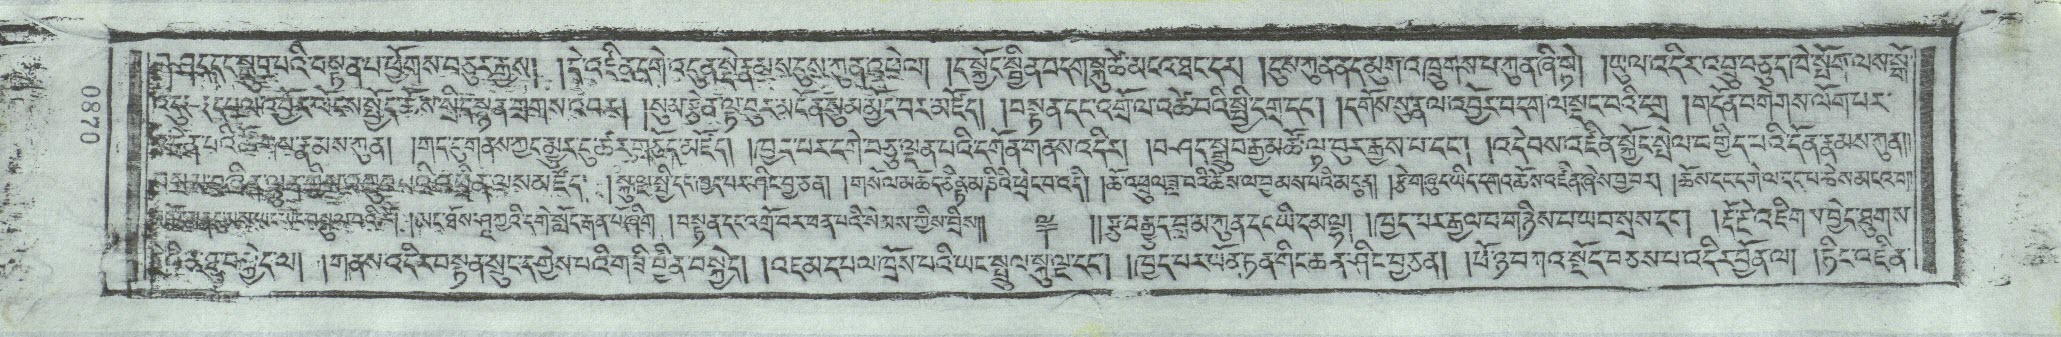བཤད་དང་སྒྲུབ་པའི་བསྟན་པ་ཕྱོགས་བཅུར་རྒྱས། །དེ་འཛིན་དགེ་འདུན་སྡེ་རྣམས་དུས་ཀུན་འཕེལ། །ད་སྐྱོད་སྦྱིན་བདག་སྐུ་ཚེ་མངའ་ཐང་དར། །དུས་ཀུན་ནད་མུག་འཁྲུགས་པ་ཀུན་ཞི་སྟེ། །ཡུལ་འདིར་འབྲུ་བཅུད་ཁེ་སྤོག་ལས་སྒོ་
འདུ༑ ༑དཔལ་འབྱོར་ལོངས་སྤྱོད་ཆོས་སྲིད་སྙན་གྲགས་འབར། །སུམ་རྩེན་ལྟ་བུར་མངོན་སུམ་མྱོང་བར་མཛོད། །བསྟན་དང་འགྲོ་ལ་འཚེ་བའི་སྤྱི་དགྲ་དང་། །དགོས་སུ་རྣལ་འབྱོར་བདག་ལ་སྡང་བའི་དགྲ་།གདོན་བགེགས་ལོག་པར་
འདྲེན་པའི་ཚོགས་རྣམས་ཀུན། །གང་དུ་གནས་ཀྱང་མྱུར་དུ་ཚར་གཅོད་མཛོད། །ཁྱད་པར་དགེ་བཅུ་ལྡན་པའི་དགོན་གནས་འདིར། །བཤད་སྒྲུབ་རྒྱ་མཚོ་ལྟ་བུར་རྒྱས་པ་དང་། །འདེབས་འཛིན་སྐྱོང་སྤེལ་བགྱིད་པའི་དོན་རྣམས་ཀུན། །
བསམ་བཞིན་ལྷུན་གྱིས་འགྲུབ་པའི་འཕྲིན་ལས་མཛོད། །སྐུ་ལྔ་སྐྱི་དང་ཁྱད་པར་ཤིང་བྱ་ཅན། །གསོལ་མཆོད་ཙིནྟ་མ་ཎིའི་ཕྲེང་བ་འདི། །ཆོ་འཕྲུལ་ཟླ་བའི་ཆོས་ལ་བྱམས་པའི་མདུན། །རྩེ་གཞུང་ཡིད་དགའ་ཆོས་འཛིན་ཞེས་བྱ་བར། །ཆོས་དང་དགེ་ལ་དད་པ་ཆེས་མངའ་བ།
མཐོང་མན་དུམས་ཡང་ཡང་བསྐུལ་བའི་ཚེ། །མང་ཐོས་ཤཱཀྱའི་དགེ་སློང་རྒན་པོ་ཞིག །བསྟན་དང་འགྲོ་བར་ཕན་པའི་སེམས་ཀྱིས་བྲིས།། ༈ །།རྩ་བརྒྱུད་བླ་མ་ཀུན་དང་ཡི་དམ་ལྷ། །ཁྱད་པར་རྒྱལ་བ་གཉིས་པ་ཡབ་སྲས་དང་། །རྡོ་རྗེ་འཇིགས་བྱེད་ཐུགས་
རྗེའི་ན་ཐུ་བསྐྱེད་ལ། །གནས་འདིར་བསྟན་སྲུང་དགྱེས་པའི་གཟི་བྱིན་པ་སྐྱེད། །འཇམ་དཔལ་ཁྲོས་པའི་ཡང་སྤྲུལ་སྐུ་ལྔ་དང་། །ཁྱད་པར་ཡོན་ཏན་གིང་ཆན་ཤིང་བྱ་ཅན། །ཕོ་ཉ་བཀའ་སྡོད་བཅས་པ་འདིར་བྱོན་ལ། །ཏིང་འཛིན་